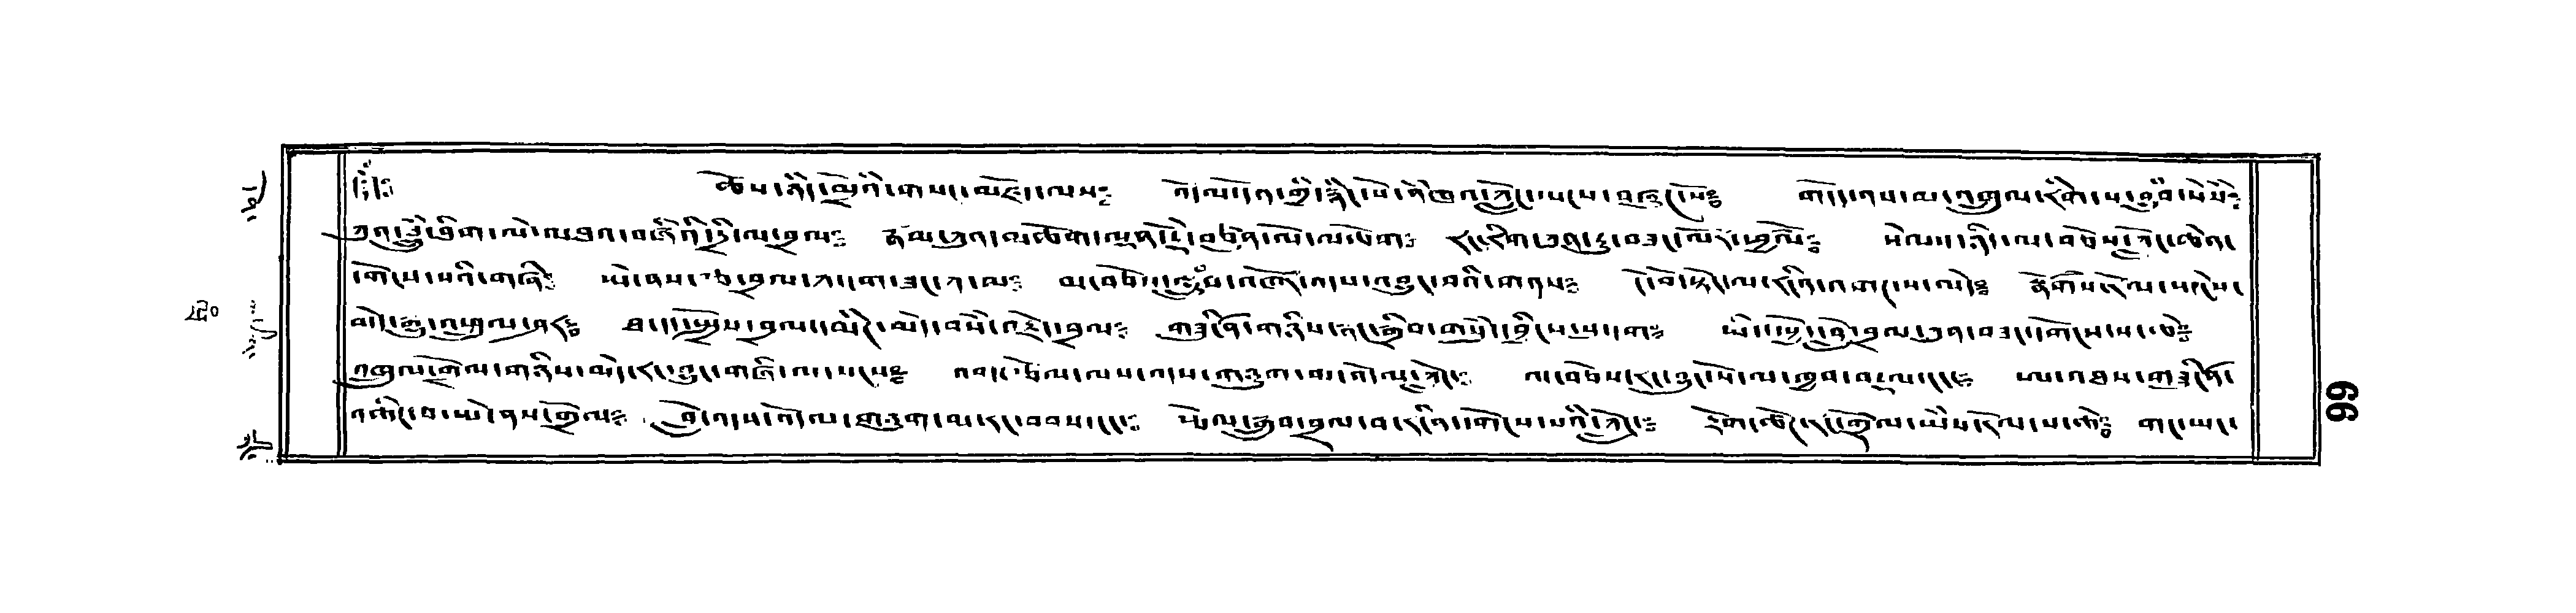ཆོས་ཉིད་མཁའ་འགྲོའི་གསང་མཛོད་ལས༔ འོད་གསལ་དོན་གྱི་སྙིང་པོ་ནམ་མཁའ་ཀློང་ཡངས་བཞུགས་སོ༔ གདོད་ནས་མ་འཁྲུལ་རིག་པ་བྱང་ཆུབ་སེམས༔ 
ཀུན་ཟླུམ་ཐིག་ལེ་མཐའ་བཞིའི་དྲི་མ་བྲལ༔ རྣམ་ཀུན་མཆོག་ལྡན་རྡོ་རྗེ་བཙུན་མོ་མཆོག༔ རང་རིག་ཀུན་ཏུ་བཟང་མོར་ཕྱག་འཚལ་ལོ༔ སེམས་ཉིད་མ་བཅོས་ཀློང་ཆེན་
དགོངས་པའི་གཞི༔ ཡེ་ནས་རྩ་བྲལ་ཀ་དག་ཟང་ཀ་མ༔ མ་བཅོས་ལྷུན་གྲུབ་འཁོར་འདས་འབྱུང་བའི་གནས༔ ངོ་བོ་སྟོང་ལ་རང་བཞིན་འགག་པ་མེད༔ སྣ་ཚོགས་རོལ་པ་ངེས་
མེད་སྒྱུ་འཕྲུལ་ཤར༔ ཐ་དད་སྤྲོས་བྲལ་དམིགས་མེད་བསམ་བརྗོད་བྲལ༔ གཟང་འཛིན་གཉིས་སྣང་སྒྲིབ་གསུམ་དབྱིངས་སུ་དག༔ ཡིད་དཔྱོད་བློ་བྲལ་ཀུན་བཟང་དགོངས་པ་ཆེ༔ 
འཁྲུལ་གྲོལ་གཉིས་མེད་རང་བྱུང་གཞི་ལ་སངས༔ འབད་རྩོལ་ལས་འདས་གཉུག་མ་འོད་གསལ་ཀློང༔ མ་བཅོས་རང་བྱུང་སོ་མ་ཁྱབ་བརྡལ་ངང༔ ཨ་འཐས་གཟུང་འཛིན་
འཆིང་བ་ཡེ་ནས་གྲོལ༔ བློ་འདས་འོད་གསལ་གཉུག་མ་རང་བབས་ངང༔ རྩོལ་སྒྲུབ་བྲལ་བ་རང་བཞིན་དགོངས་པའི་ཀློང༔ རྟོག་ཚོགས་རང་གྲོལ་ཡེ་ཤེས་རོལ་པ་ཆེ༔ གང་ཡང་